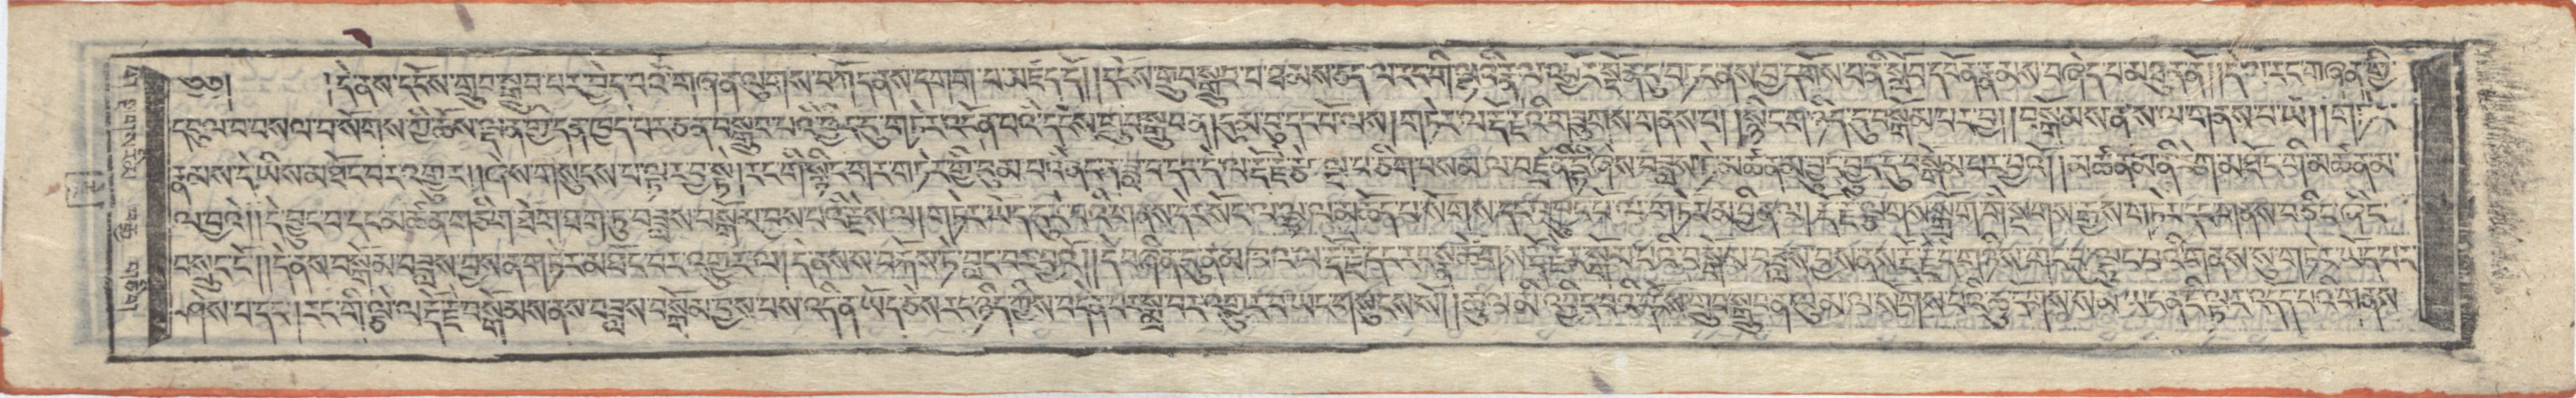༄༅། །དེ་ནས་དངོས་གྲུབ་སྒྲུབ་པར་བྱེད་པའི་གཞན་ལུགས་བཀོད་ནས་དགག་པ་མཛད་དོ། །དངོས་གྲུབ་སྒྲུབ་པ་ཐམས་ཅད་ལ་རང་གི་ལྷའི་རྣལ་འབྱོར་སྔོན་དུ་བཏང་ནས་བྱ་དགོས་པ་ནི་སློབ་དཔོན་རྣམས་བཞེད་པ་མཐུན་ནོ། །དེ་ལ་རང་གཞན་གྱི་
དབུལ་བ་བསལ་བ་སོགས་ཀྱི་ཆོས་ལྡན་གྱི་དོན་ཁྱད་པར་ཅན་བསྒྲུབ་པའི་ཕྱིར་དུ་གཏེར་འདོན་པའི་དངོས་གྲུབ་སྒྲུབ་ན། དུམ་བུ་དང་པོ་ལས། གཏེར་ལ་རྡོ་རྗེའི་གཟུགས་གནས་པ། །སྙིང་ག་ཉིད་དུ་བསྒོམ་པར་བྱ། །བསྒོམས་ན་ས་ལ་གནས་པ་ཡཾ། །གཏེར་
རྣམས་དེ་ཡིས་མཐོང་བར་འགྱུར། །ཞེས་གསུངས་པ་ལྟར་བྱ་སྟེ། རང་གི་སྙིང་གར་གཏེར་གྱི་བུམ་པའི་ནང་ན་ཟླ་བ་དང་དེ་ལ་རྡོ་རྗེ་རྩེ་ལྔ་པ་ཅིག་བསམ་ལ་བྫྲེ་ནི་དྷི་ཞེས་བཟླས་ཏེ་མཚན་མ་བྱུང་བྱུང་དུ་བསྒོམ་པར་བྱའོ། །མཚན་མ་ནི་རེག་མཐོང་གི་མཚན་མ་
ལ་བྱའོ། །དེ་བྱུང་བ་དང་མཚན་གཅིག་ཐོག་ཐག་ཏུ་བཟླས་བསྒོམ་བྱས་པའི་རྗེས་ལ། གཏེར་ཡོད་དུ་རེ་བའི་གནས་དེར་སོང་ལ་ལྷ་ལ་མཆོད་པ་སོགས་དང་འབྱུང་པོ་ལ་གཏོར་མ་བྱིན་ལ། རྡོ་རྗེ་ལྕགས་སྒྲོག་གི་སྔགས་རྒྱས་གཏེར་དང་གནས་བཅིང་ཞིང་
བསྲུང་ངོ། །དེ་ནས་བསྒོམ་བཟླས་བྱས་ན་གཏེར་མཐོང་བར་འགྱུར་ལ། དེ་ནས་ས་བརྐོས་ཏེ་བླང་བར་བྱའོ། །དེ་བཞིན་དུ་ནམ་མཁའ་ལ་རྡོ་རྗེ་དང་རང་སྣ་ཚོགས་རྡོ་རྗེར་སྒོམ་པའི་བསྒོམ་བཟླས་བྱས་ནས་རྡོ་རྗེ་དེ་གཉིས་གང་དུ་ལྷུང་བའི་གནས་སུ་གཏེར་ཡོད་པར་
ཤེས་པ་དང་། རང་གི་ལྕེ་ལ་རྡོ་རྗེ་བསྒོམ་ནས་བཟླས་བསྒོམ་བྱས་པས་འདི་ན་ཡོད་ཅེས་རང་ཉིད་ཀྱིས་བདེན་པར་སྨྲ་བར་འགྱུར་བ་ཡང་གསུངས་སོ། །ཆུ་ལ་མི་འབྱིང་བའི་དངོས་གྲུབ་སྒྲུབ་ན་ལུ་མ་ལ་སོགས་པའི་ཆུ་དོགས་སམ་ཡང་ན་ཇི་ལྟར་འདོད་པའི་གནས་